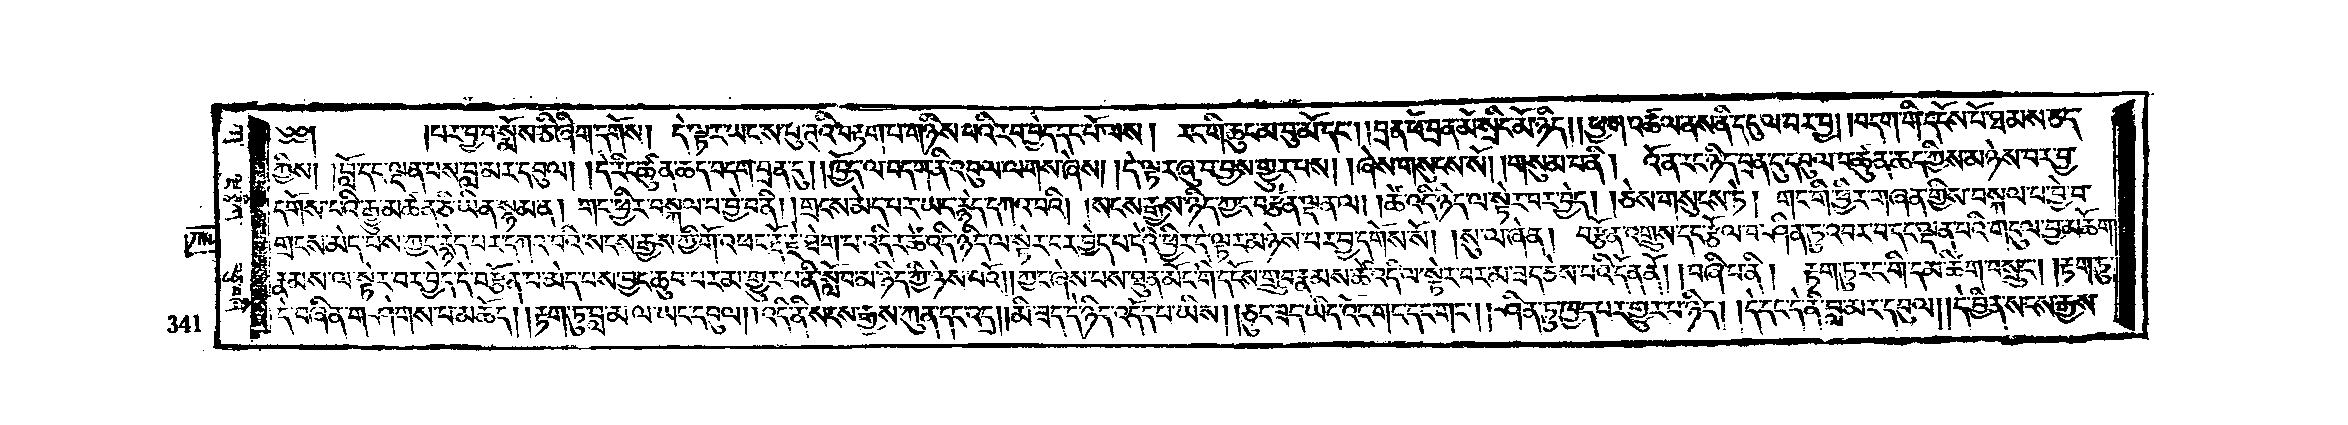༄༅། །པར་བྱ་བ་སྨོས་ཅི་ཞིག་དགོས། དེ་ལྟར་ཡང་ས་བུ་ཊའི་བརྟག་པ་གཉིས་པའི་རབ་བྱེད་དང་པོ་ལས། རང་གི་ཆུང་མ་བུ་མོ་དང་། །བྲན་ཕོ་བྲན་མོ་སྲིང་མོ་ཉིད། །ཕྱག་འཚལ་ནས་ནི་དངུལ་བར་བྱ། །བདག་གི་དངོས་པོ་ཐམས་ཅད་
ཀྱིས། །བློ་དང་ལྡན་པས་བླ་མར་དབུལ། །དེ་རིང་ཚུན་ཆད་བདག་བྲན་དུ། །ཁྱོད་ལ་བདག་ནི་འབུལ་ལགས་ཞེས། །དེ་ལྟར་ཞུ་བ་བྱས་གྱུར་པས། །ཞེས་གསུངས་སོ། །གསུམ་པ་ནི། འོ་ན་རང་ཉིད་བྲན་དུ་དབུལ་བ་ཚུན་ཆད་ཀྱིས་མཉེས་བར་བྱ་
དགོས་པའི་རྒྱུ་མཚན་ཅི་ཡིན་སྙམ་ན། གང་ཕྱིར་བསྐལ་པ་བྱེ་བ་ནི། །གྲངས་མེད་པར་ཡང་རྙེད་དཀའ་བའི། །སངས་རྒྱས་ཉིད་ཀྱང་བརྩོན་ལྡན་ལ། །ཚེ་འདི་ཉིད་ལ་སྟེར་བར་བྱེད། །ཅེས་གསུངས་ཏེ། གང་གི་ཕྱིར་གཞན་གྱིས་བསྐལ་པ་བྱེ་བ་
གྲངས་མེད་པས་ཀྱང་རྙེད་པར་དཀའ་བའི་སངས་རྒྱས་ཀྱི་གོ་འཕང་རྡོ་རྗེ་ཐེག་པ་འདིར་ཚེ་འདི་ཉིད་ལ་སྟེར་ངར་བྱེད་པ་དེའི་ཕྱིར་དེ་ལྟར་མཉེས་པར་བྱ་དགོས་སོ། །སུ་ལ་ཞེ་ན། བརྩོན་འགྲུས་དང་རྩོལ་བ་ཤིན་ཏུ་འབར་བ་དང་ལྡན་པའི་གདུལ་བྱ་མཆོག་
རྣམས་ལ་སྟེར་བར་བྱེད་དེ་བརྩོན་པ་མེད་པས་བྱང་ཆུབ་པར་མ་གྱུར་པ་ནི་སློབ་མ་ཉིད་ཀྱི་ཉེས་པའོ། །ཀྱང་ཞེས་པས་ཐུན་མོང་གི་དངོས་གྲུབ་རྣམས་ཚེ་འདི་ལ་སྟེར་བར་མ་ཟད་ཅེས་པའི་དོན་ནོ། །བཞི་པ་ནི། རྟག་ཏུ་རང་གི་དམ་ཚིག་བསྲུང་། །རྟག་ཏུ་
དེ་བཞིན་གཤེགས་པ་མཆོད། །རྟག་ཏུ་བླ་མ་ལ་ཡང་དབུལ། །འདི་ནི་སངས་རྒྱས་ཀུན་དང་འདྲ། །མི་ཟད་དེ་ཉིད་འདོད་པ་ཡིས། །ཅུང་ཟད་ཡིད་འོང་གང་དང་གང་། །ཤིན་ཏུ་ཁྱད་པར་གྱུར་པ་ཉིད། །དེ་དང་དེ་ནི་བླ་མར་དབུལ། །དེ་བྱིན་སངས་རྒྱས་